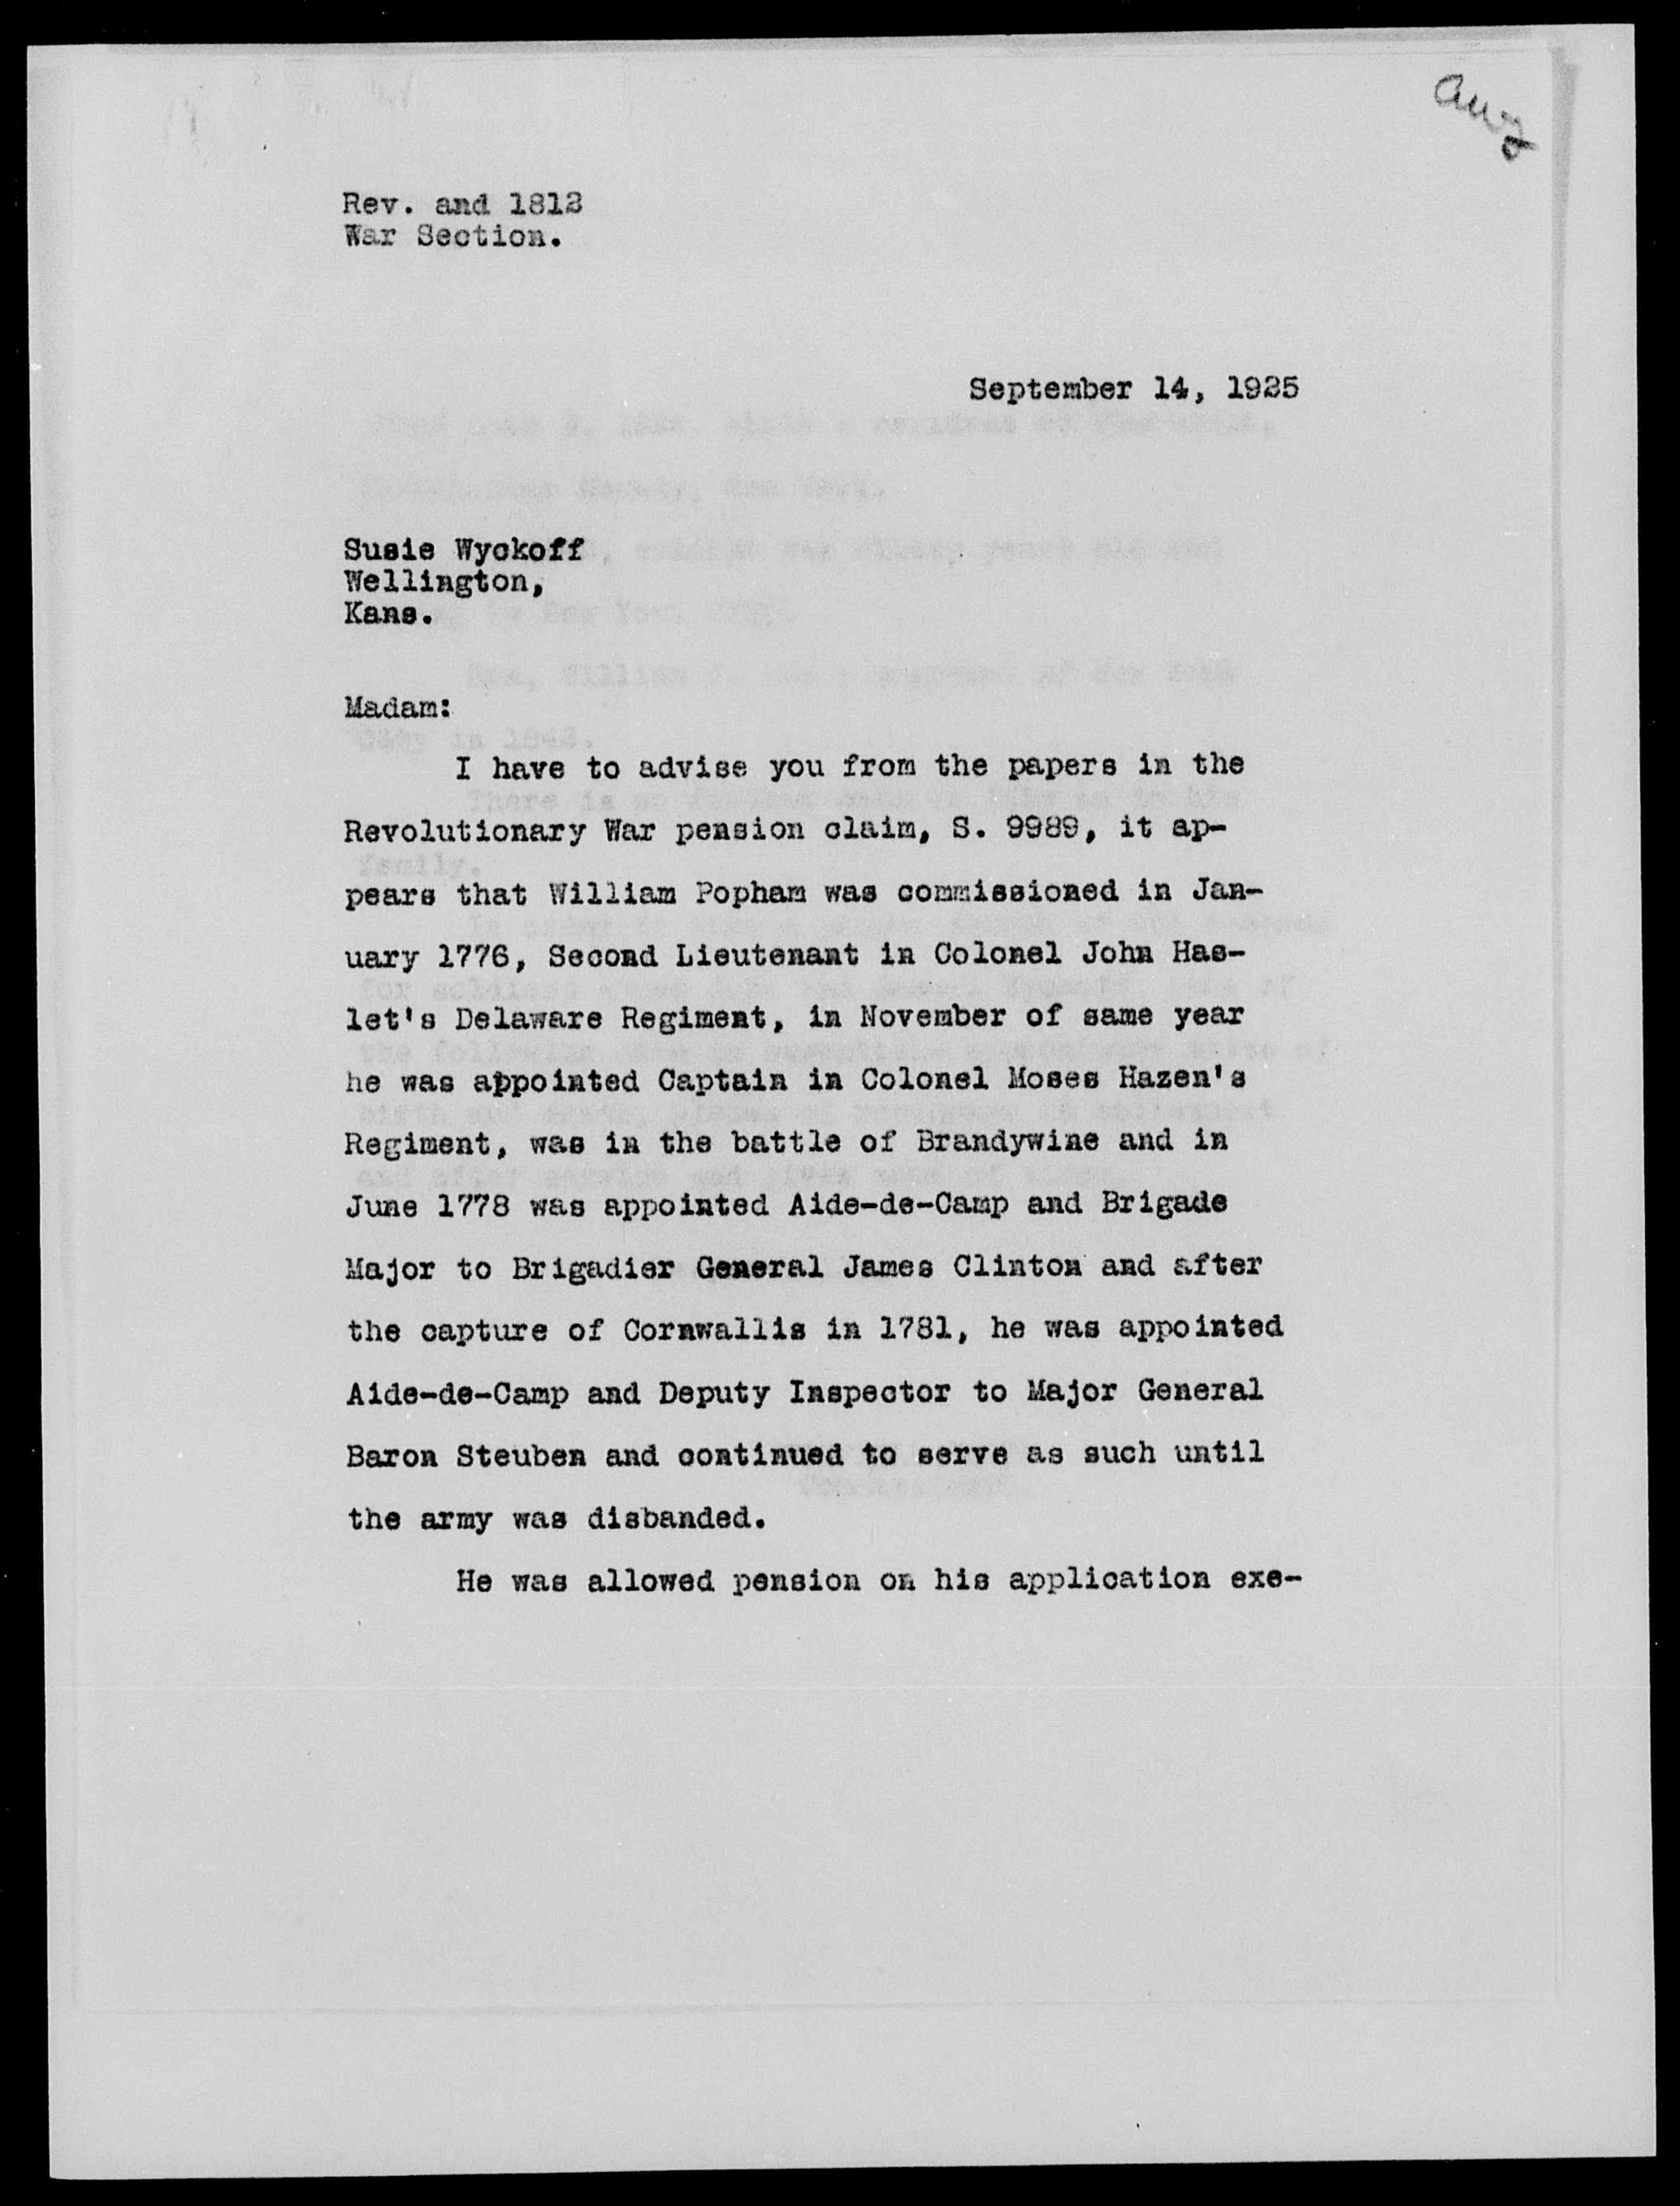Rev. and 1812        aug
War Section.
Susie Wyckoff
Wellington,
Kans.
Madam:
September 14, 1935
I have to advise you from the papers in the
Revolutionary War pension claim, S. 9989, it appears
that William Popham was commissioned in January 1776, Second Lieutenant in Colonel John Haslet's Delaware Regiment, in November of same year
he was appointed Captain in Colonel Moses Hazen's
Regiment, was in the battle of Brandywine and in
June 1778 was appointed Aide-de-Camp and Brigade Major to Brigadier General James Clinton and after
the capture of Cornwallis in 1781, he was appointed
Aide-de-Camp and Deputy Inspector to Major General
Baron Steuben and continued to serve as such until
the army was disbanded.
He was allowed pension on his application exe-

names: James Clinton; Susie Wyckoff; William Popham; Baron Steuben; [BLANK] Cornwallis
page: 14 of 75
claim: survivor's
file: S. 9989, for William Popham, Delaware